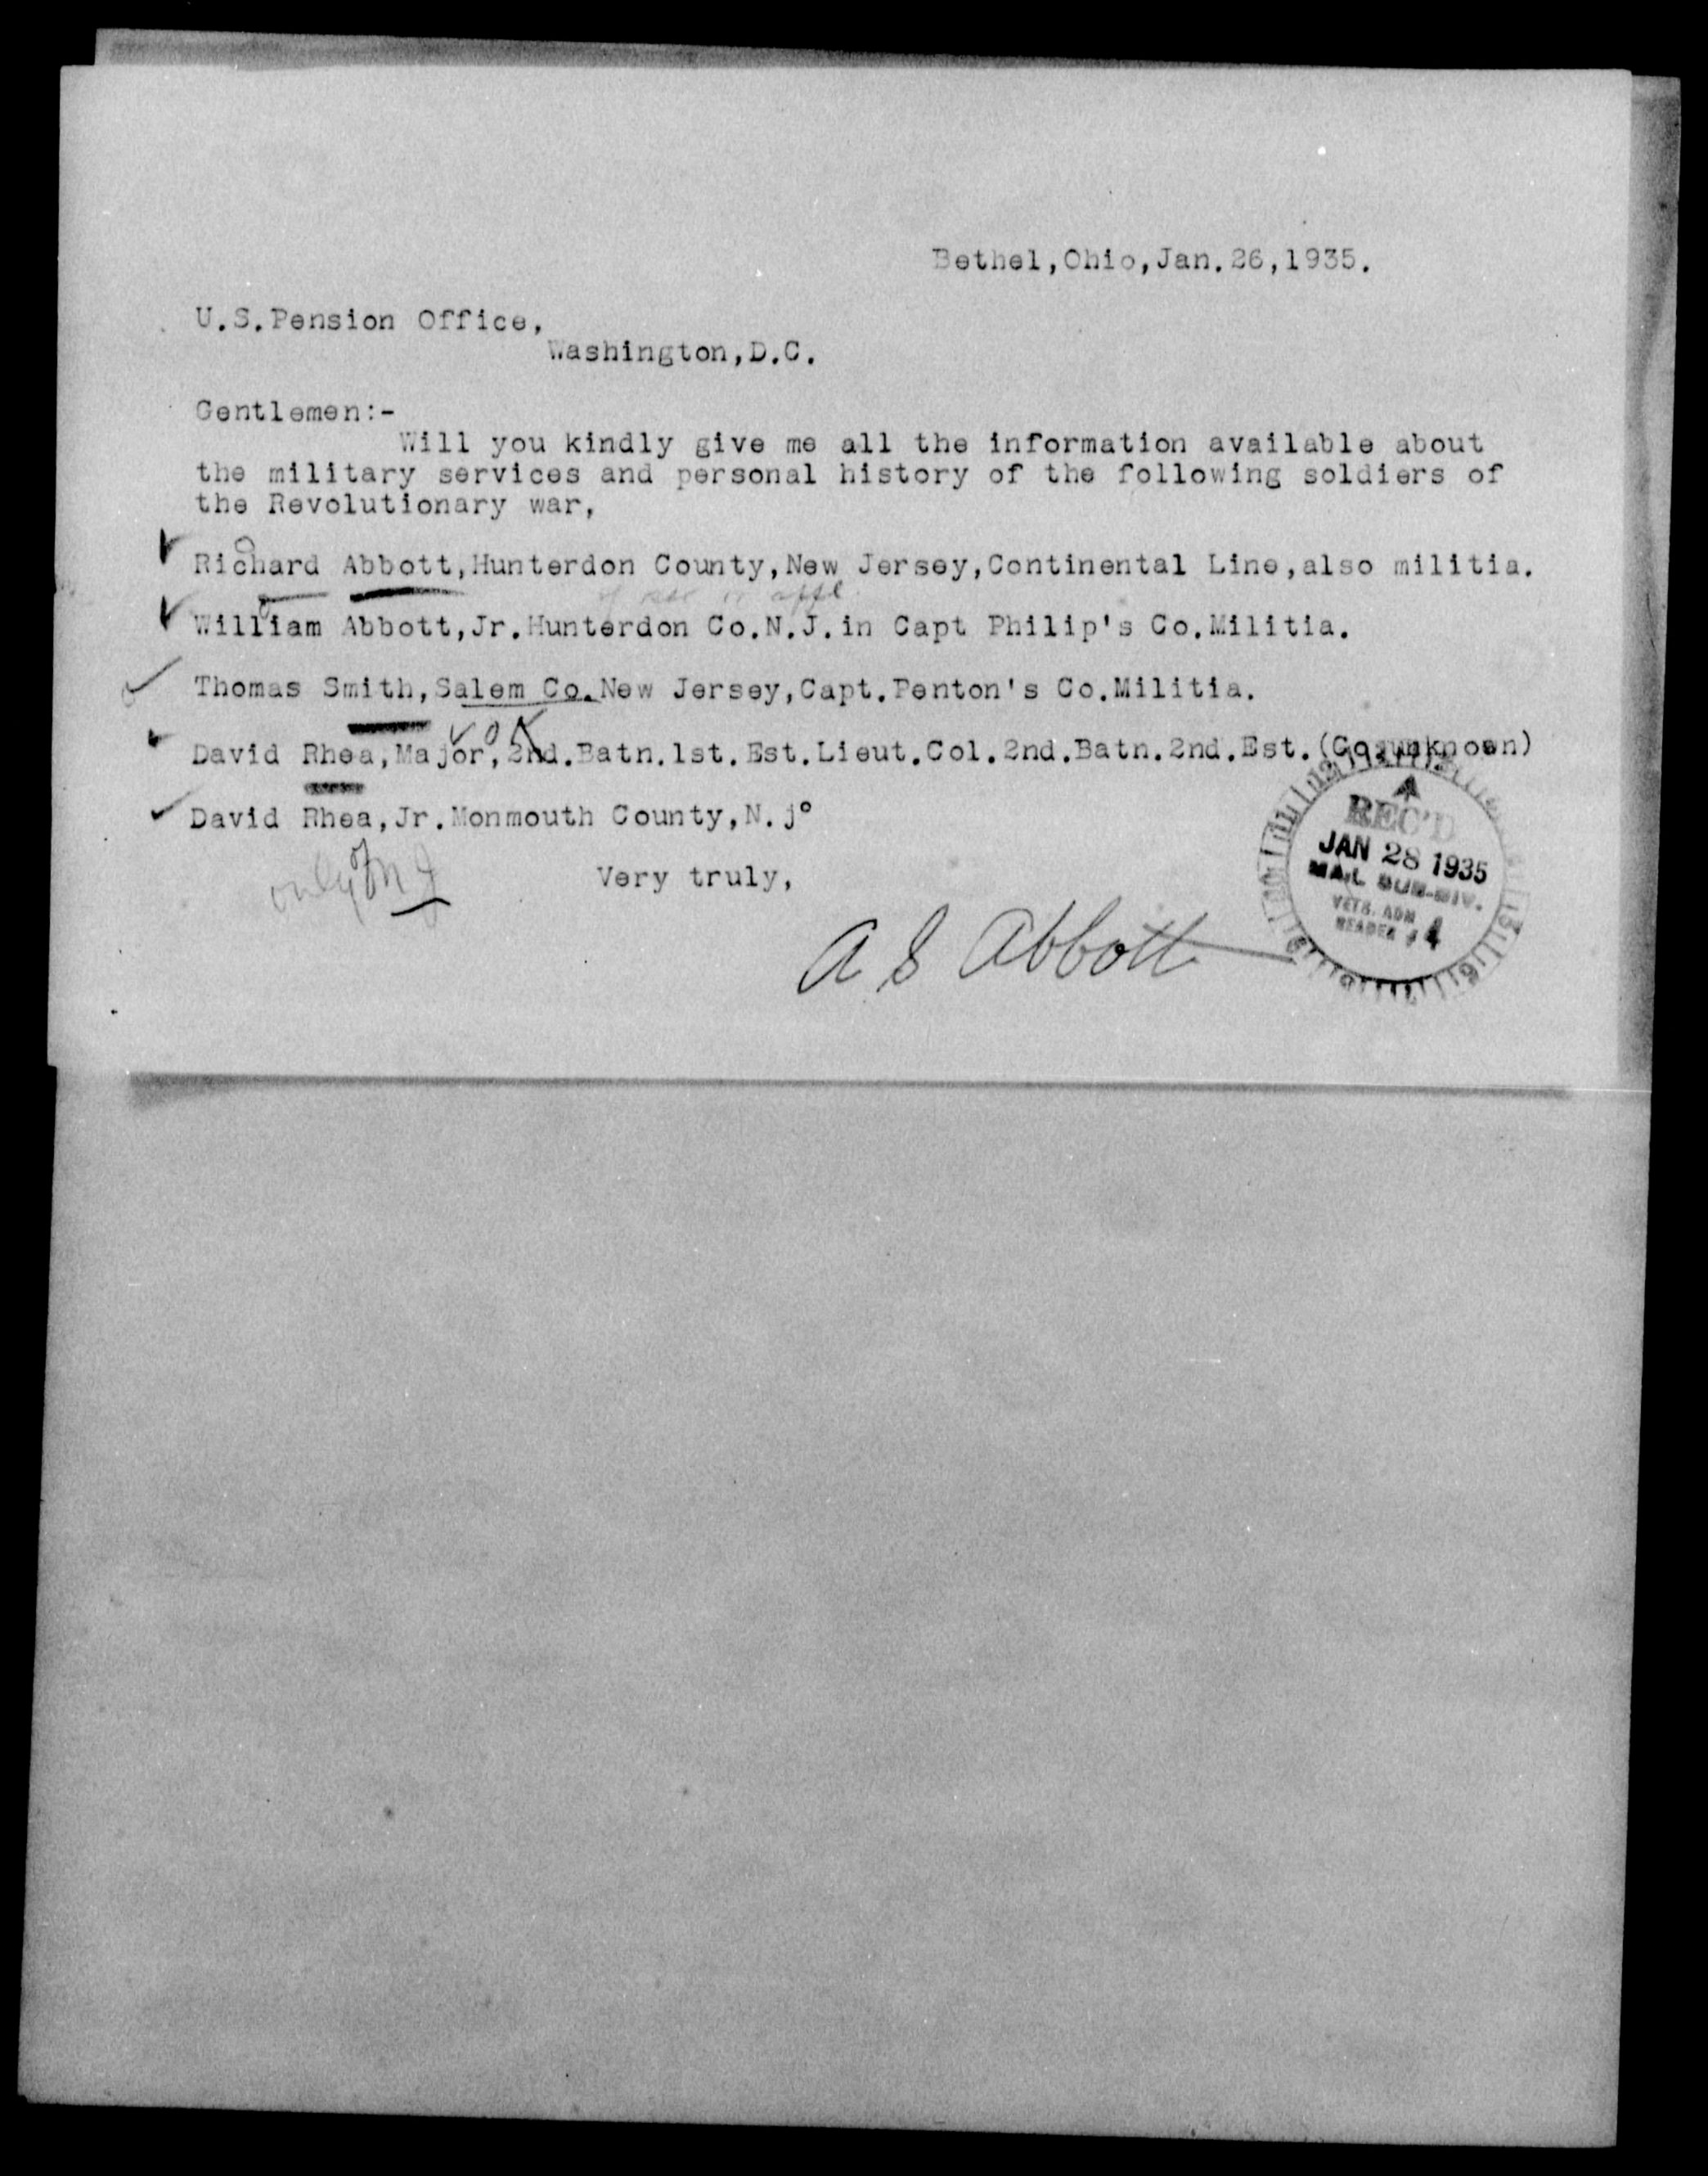Bethel, Ohio, Jan. 26, 1935.

U. S. Pension Office,
Washington, D. C.

Gentlemen:-

Will you kindly give me all the information available about
the military services and personal history of the following soldiers of
the Revolutionary war,

Richard Abbott, Hunterdon County, New Jersey, Continental Line, also militia.

William Abbott, Jr. Hunterdon Co. N.J. in Capt Philip's Co. Militia.

Thomas Smith, Salem Co. New Jersey, Capt. Penton's Co. Militia.
David Rhea, Major, 2nd. Batn. 1st. Est. Lieut. Col. 2nd Batn. 2nd. Est. (Co. unknown)

David Rhea, Jr. Monmouth County, N. J.

Very truly,
A S Abbott

[Stamp] REC'D JAN 28 1935 MAIL SUB-DIV. VETS. ADM READER #4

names: William Abbott; Richard Abbott; David Rhea; David Rhea; Thomas Smith; A S Abbott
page: 14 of 21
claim: survivor's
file: S. 33,554, for David Rhea, New Jersey